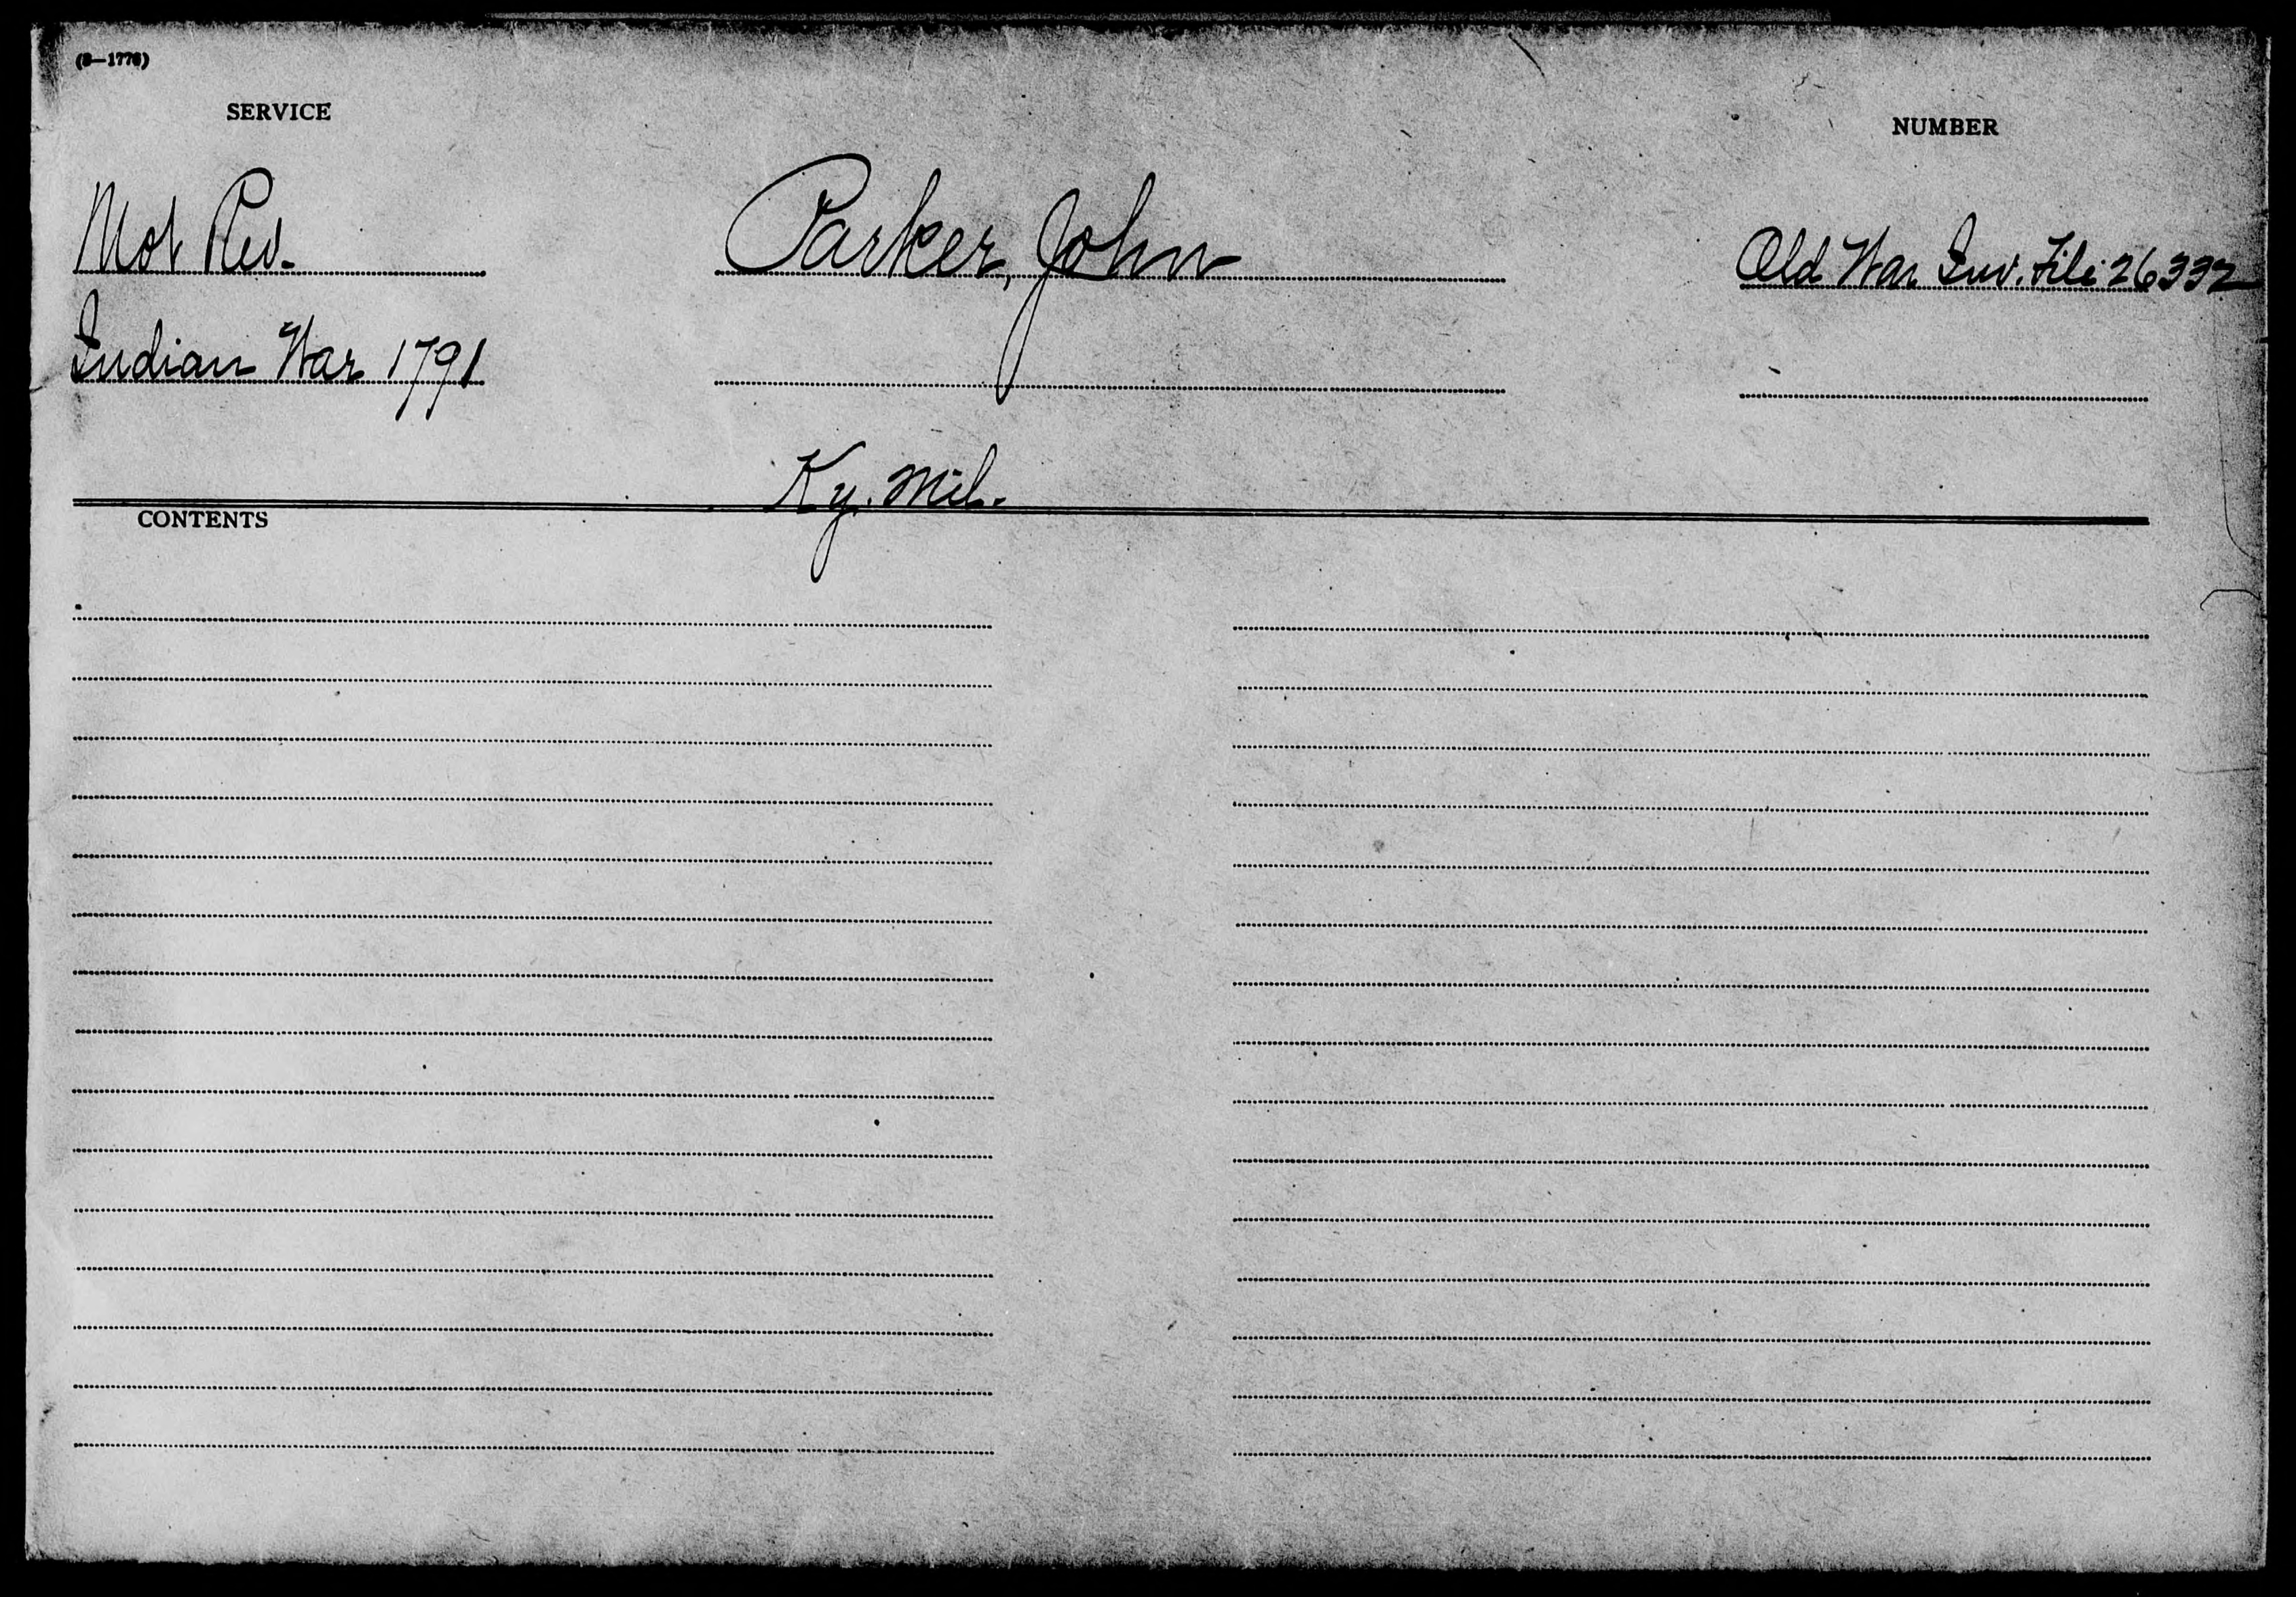Service Number

Most Rev. Parker, John

Indian War 1791

Old War Inv. File 26332

Ky. Mil.

Contents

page: 1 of 21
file: Old War Inv. File 26332, for John Parker, Other